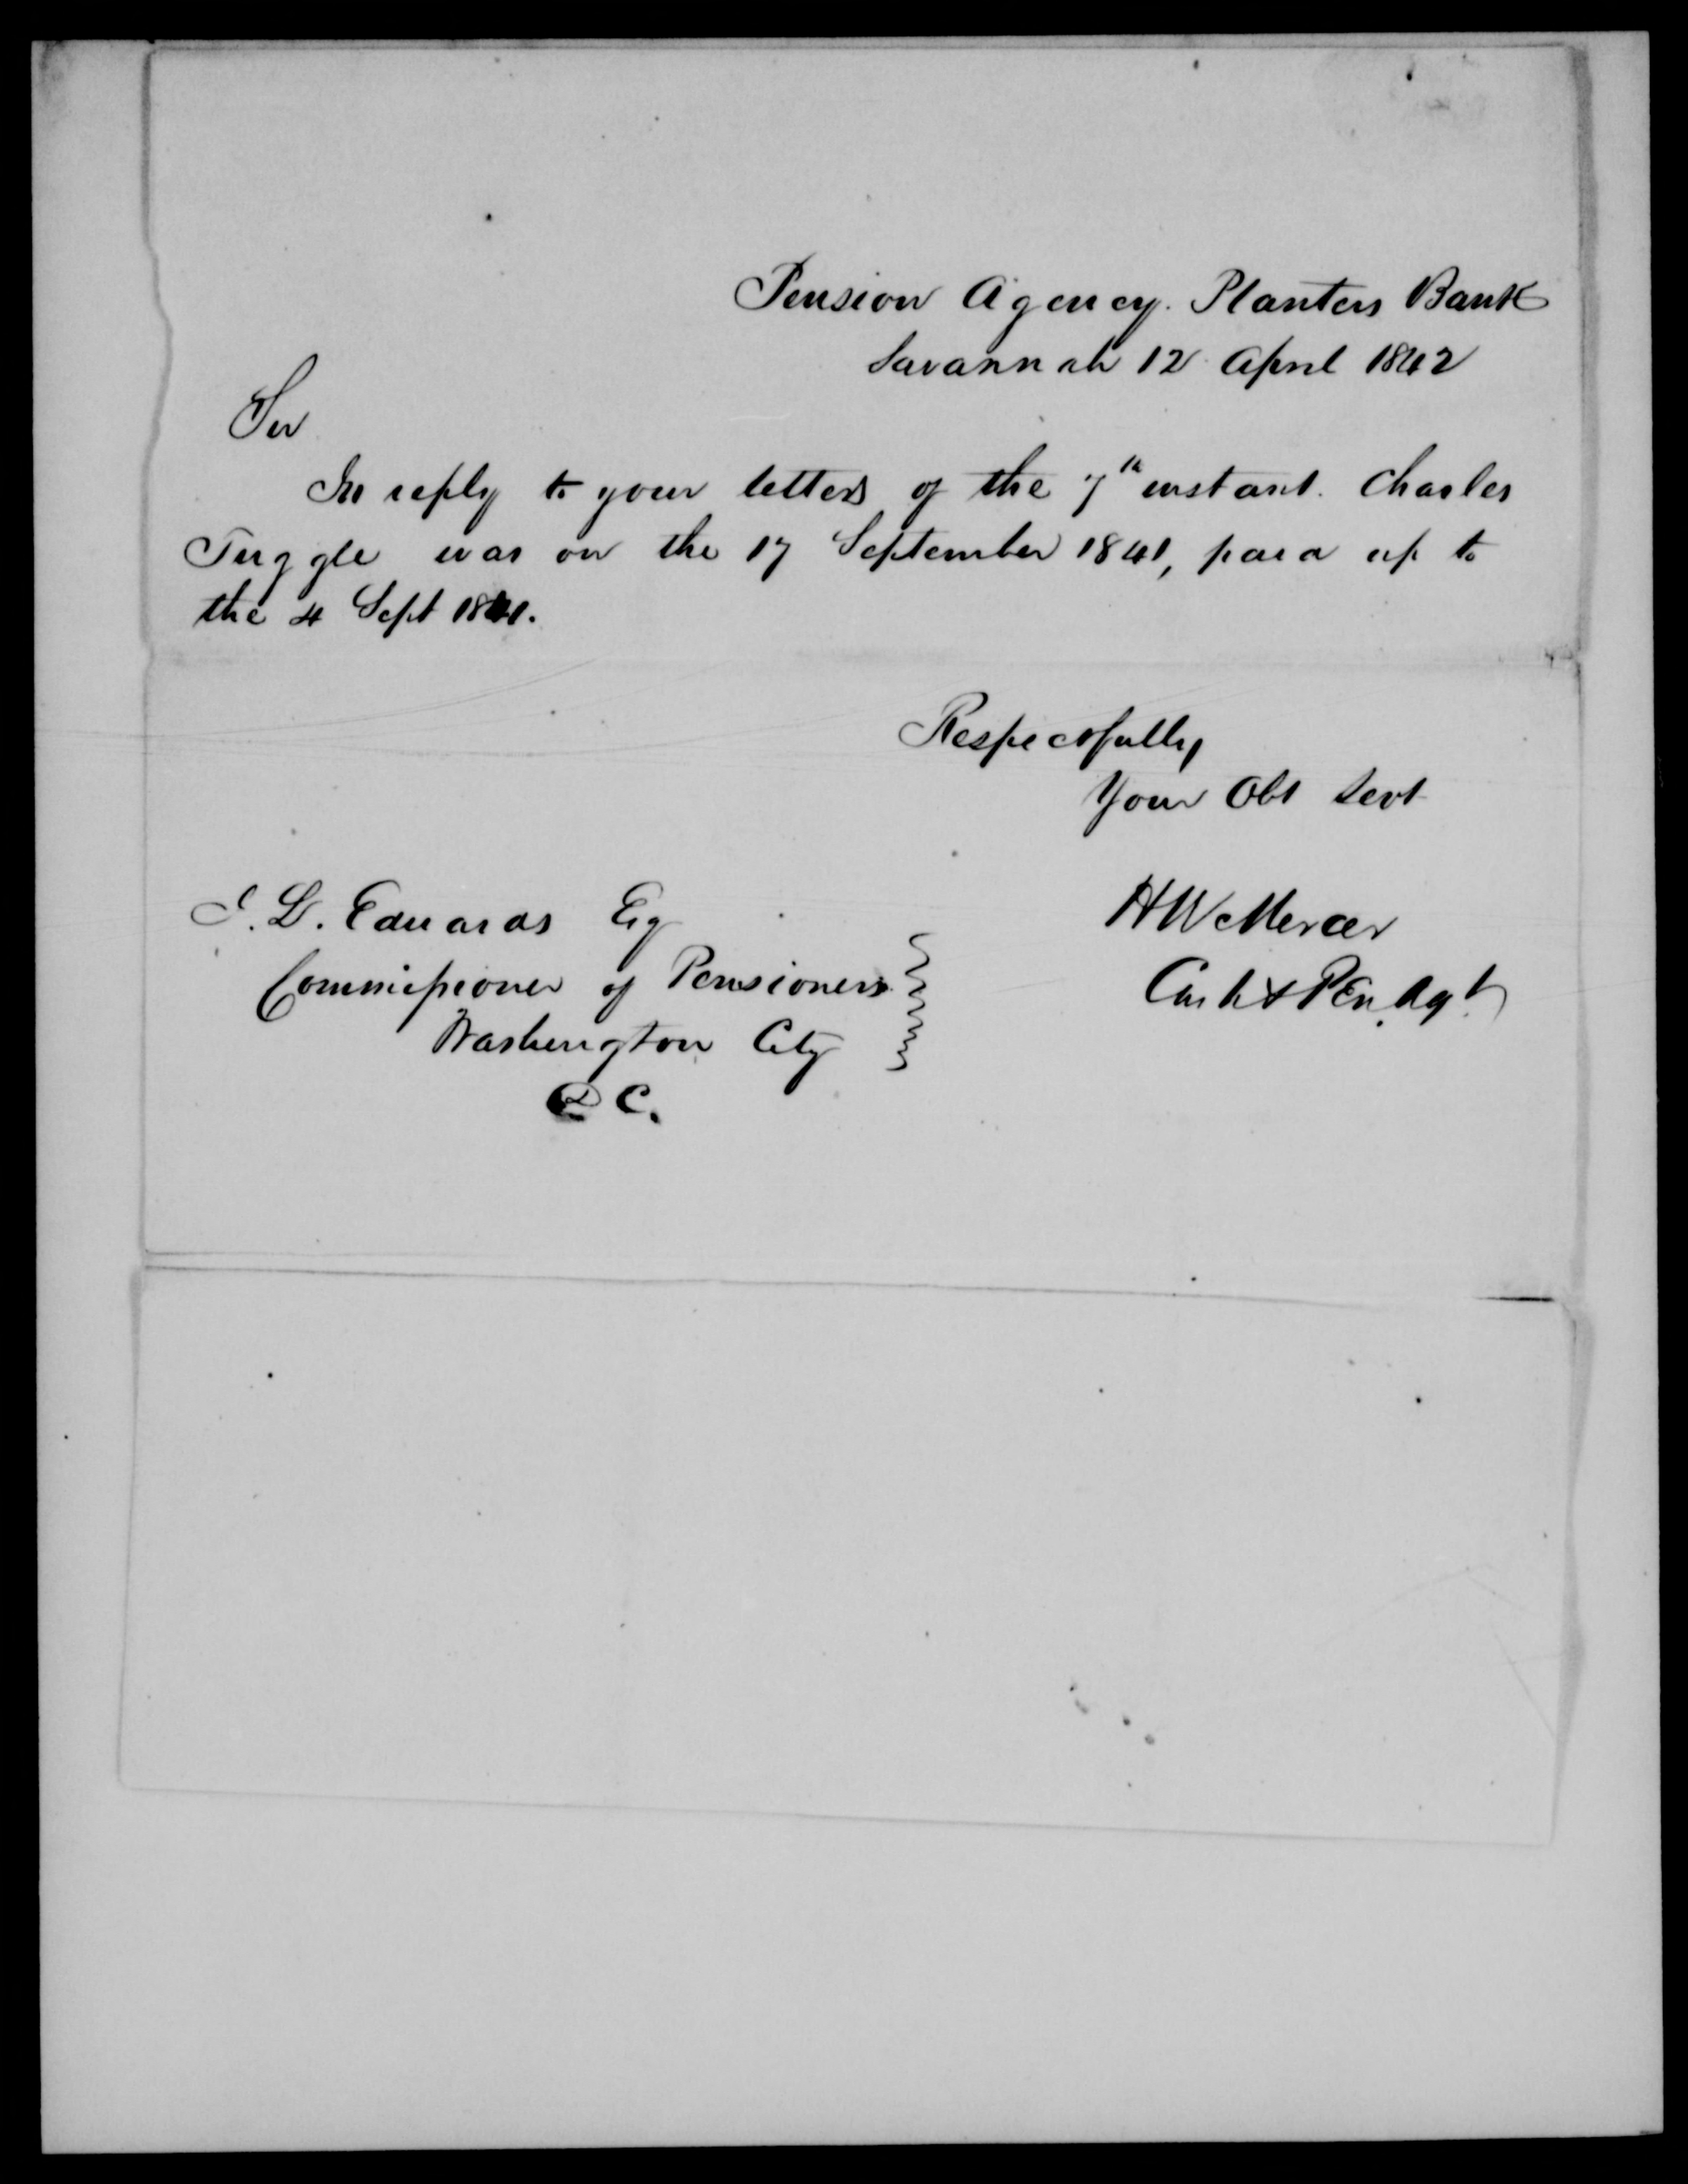Pension Agency. Planters Bank
Savannah 12 April 1842
Sir
In reply to your letters of the 7th instant. Charles
Tuggle was on the 17 September 1841, paid up to
the 4 Sept 1841.
Respectfully,
Your Obt Sevt
HW Mercer
Ca[?]PenAgt
J. L. Edwards Esq
Commissioner of Pensioners
Washington City
DC.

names: Charles Tuggle, H W Mercer, J L Edwards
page: 12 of 23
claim: survivor's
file: S. 32559, Charles Tuggle, Va.